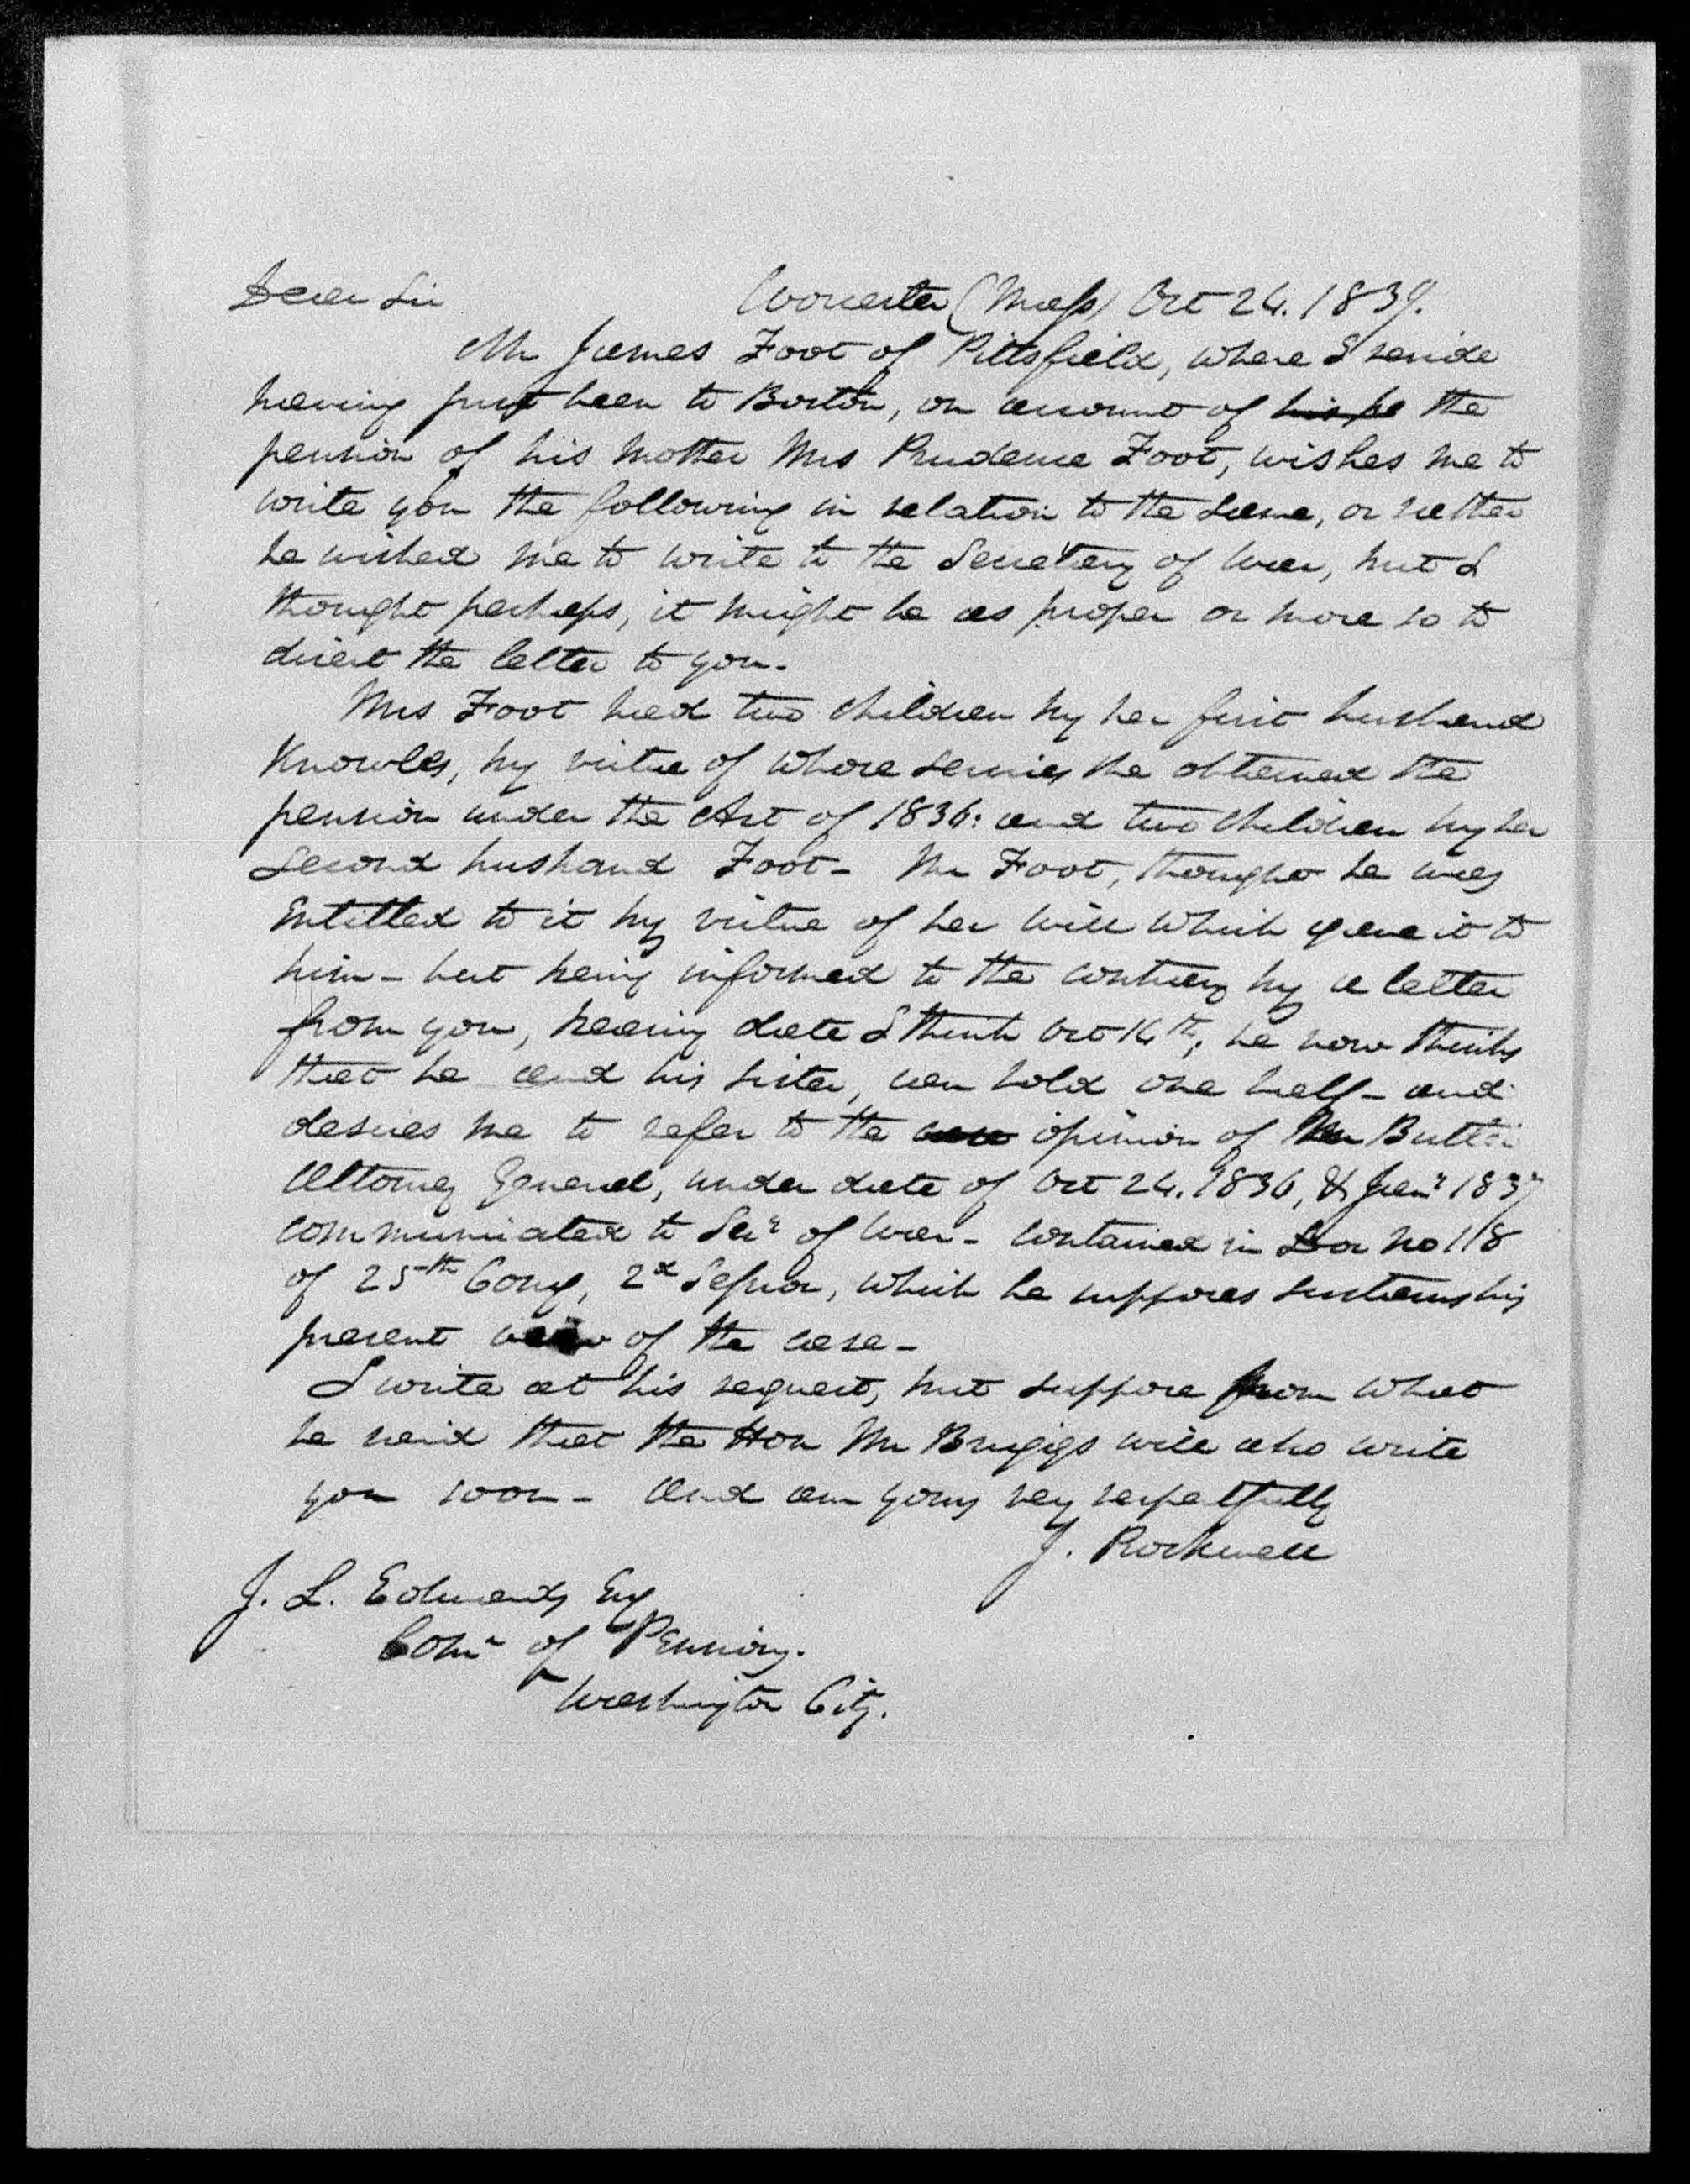Worcester Mass Oct 24, 1839.
Dear Sir
Mr James Foot of Pittsfield, where I reside having just been to Boston, on account of the pension of  his mother Mrs Prudence Foot, wishes me to write you the following in relation too the same, or rather he wished me to write to the Secretary of War, but I thought perhaps, it might be as proper or more so to direct the letter to you.
Mrs Foot had two children by her first husband Knowles, by virtue of whose services she obtained the pension under the Act of 1836; and two children by her second husband Foot--Mr Foot, thought he was entitled to it by virtue of her will which gave  it to him--but being informed to the contrary by a letter from you, having date I think Oct 16th; he now thinks that he and his sister, can hold on half--and desires me to refer to the opinion of Mr. Butter Attorney General, under date of Oct 26, 1836. & Jany 1837 communicater to Sec of War--contained in (illegible word) no 118 of 25th Cong, 2d Session, which he supposes (illegible words) of the case--
I write at his request,  but suppose from what he said that the Ho Mr. Briggs will also wrtite you soon--..........am yours very respectfully
J. Rockwell
J. L. Edwards Esq
Comr of Pensions.
Washington City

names: Prudence Foot; [BLANK] Knowles; [BLANK] Briggs; J Rockwell; James Foot; J L Edwards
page: 4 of 60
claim: widow's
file: W. 14,036, for James Knowles, Connecticut